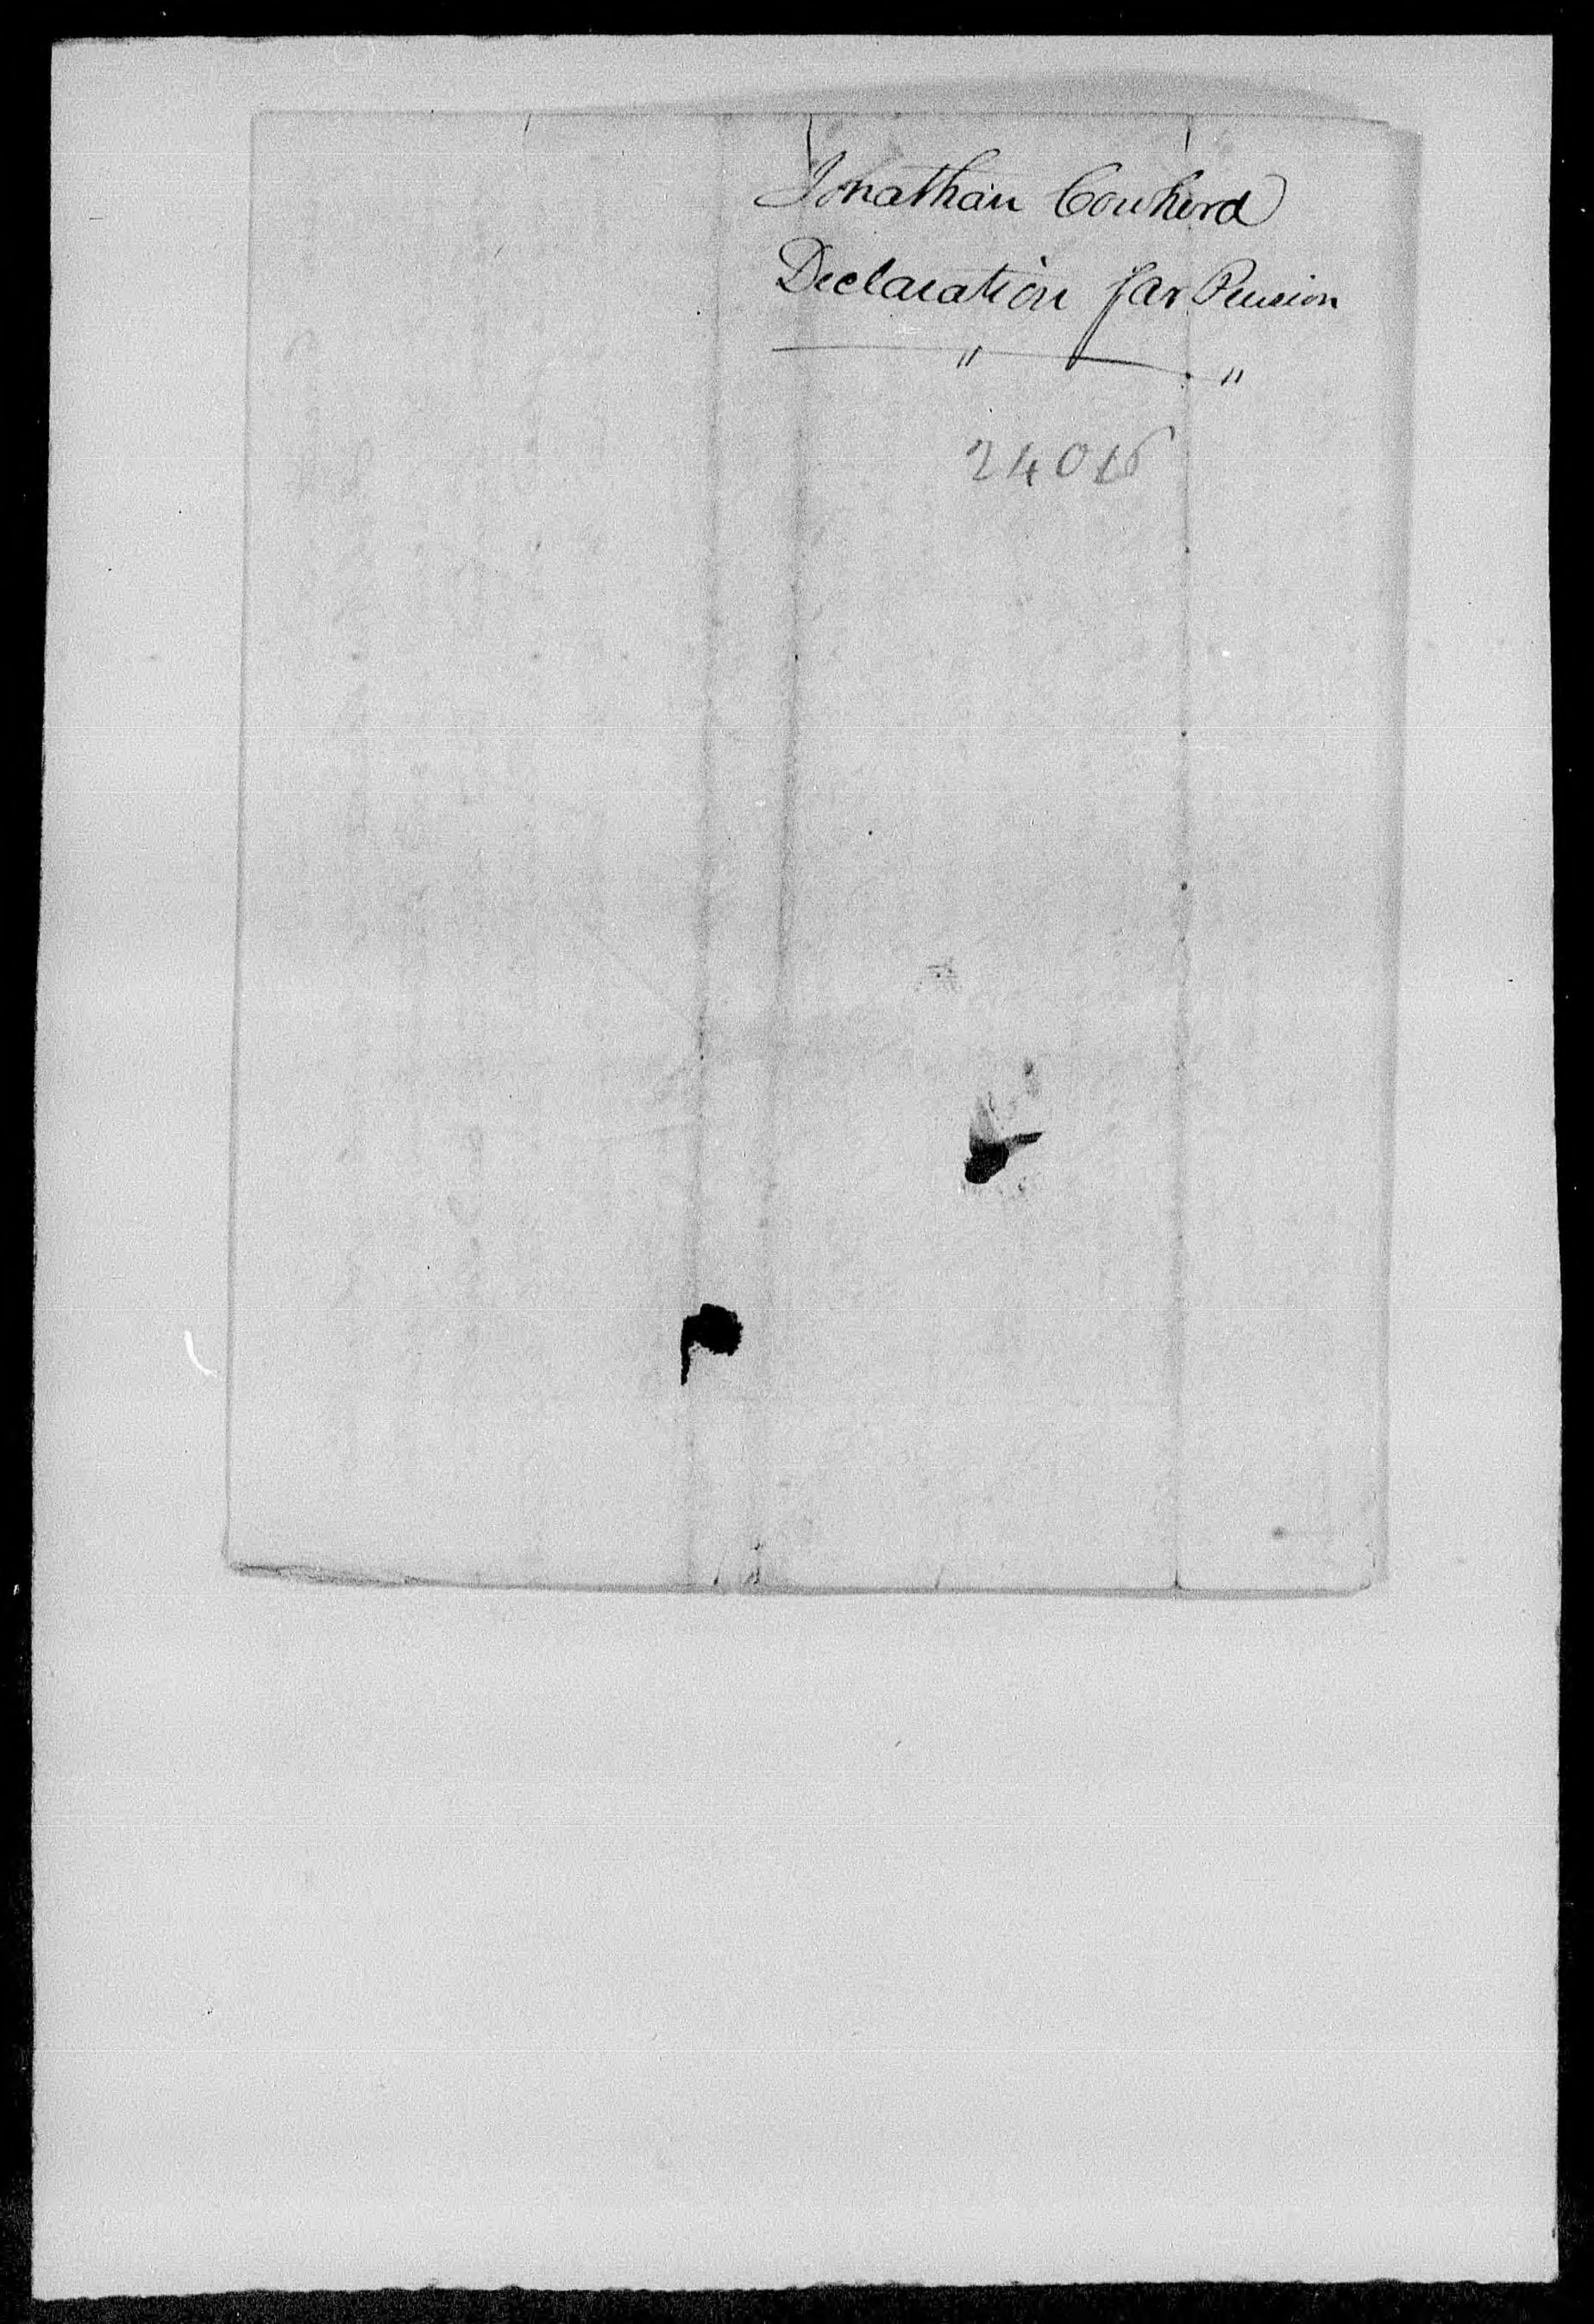Johnathan Cowherd
Declaration for Pension
24016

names: Jonathan Cowherd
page: 20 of 46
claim: widow's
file: W 8619, Jonathan Cowherd, Va.